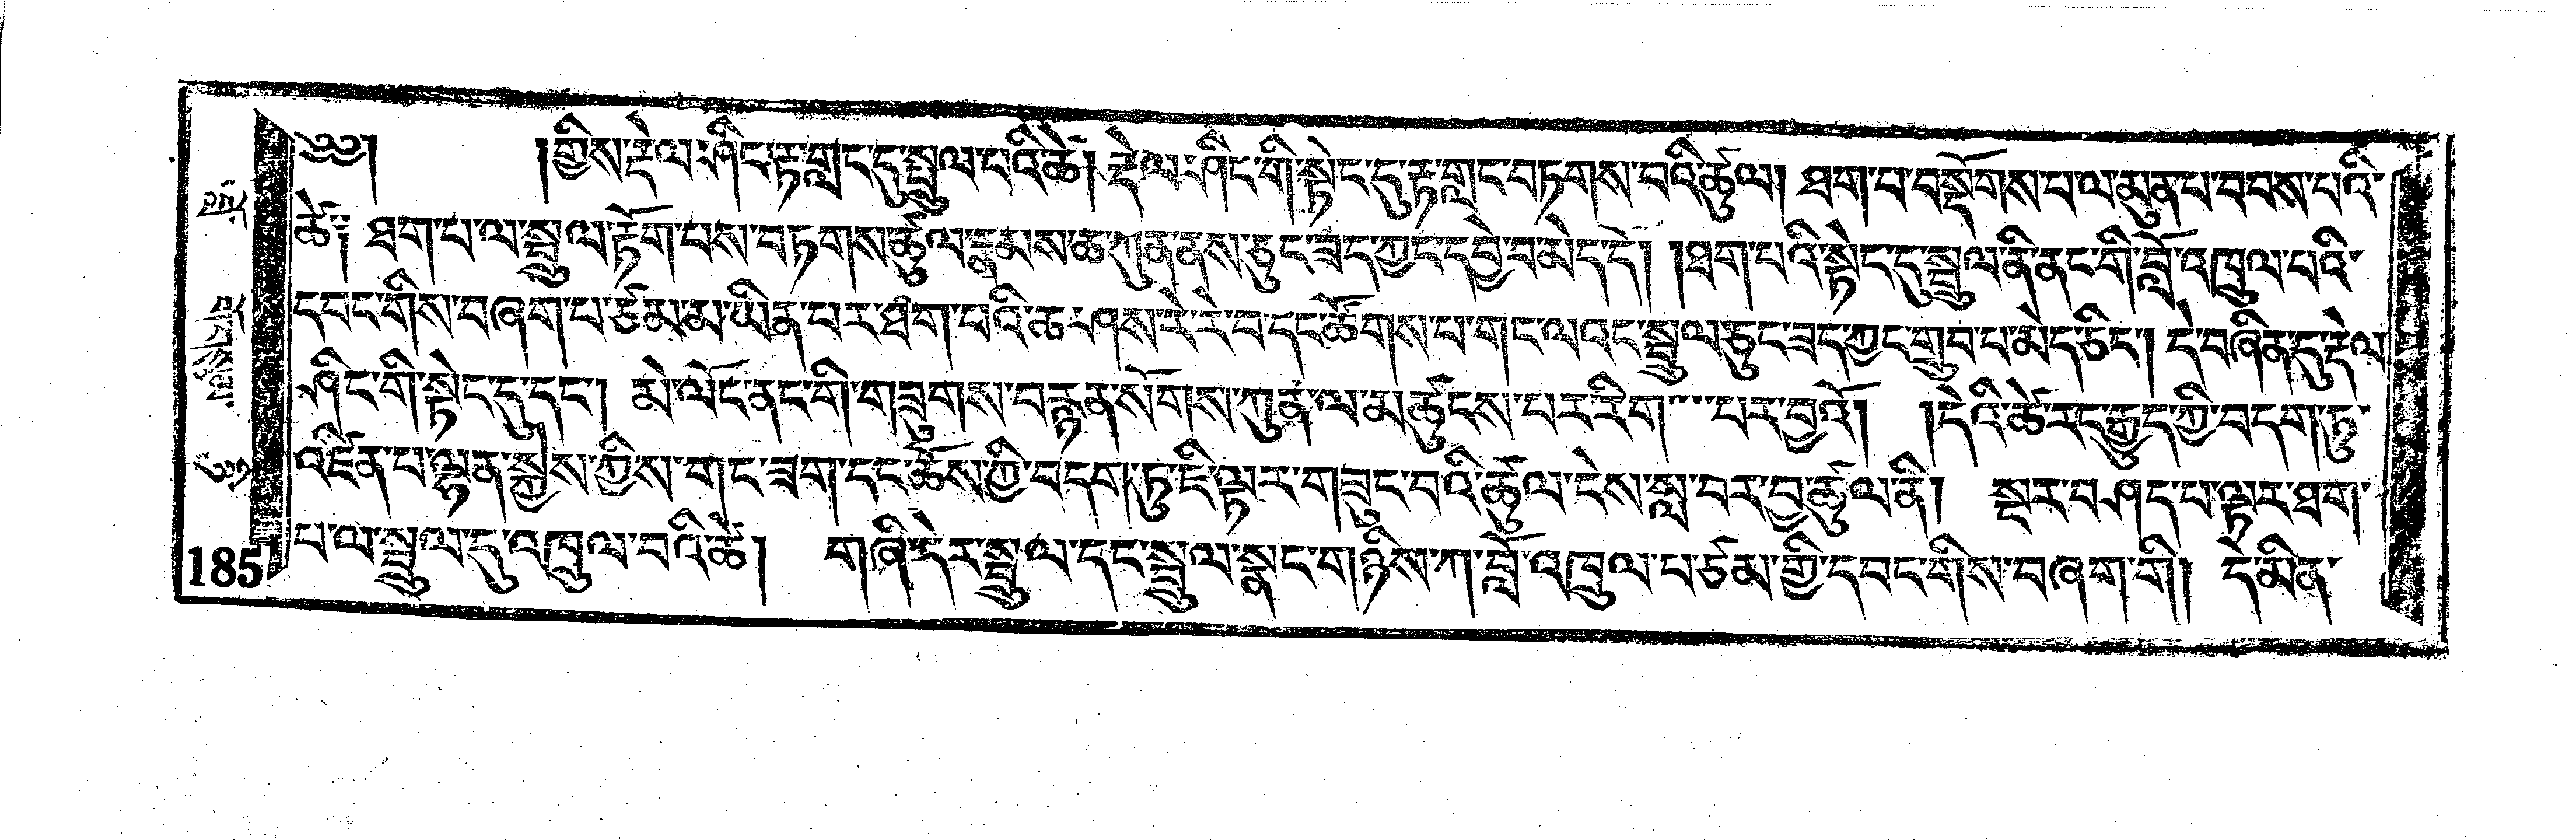༄༅། །གྱིས་རྡེལ་ཤིང་རྟ་གླང་དུ་སྤྲུལ་པའི་ཚེ། རྡེལ་ཤིང་གི་སྟེང་དུ་རྟ་གླང་བཏགས་པའི་ཚུལ། ཐག་པ་བསྡོགས་པ་ལ་མུན་པ་བབས་པའི་
ཚེ༑ ཐག་པ་ལ་སྦྲུལ་རྟོག་པས་བཏགས་ཚུལ་རྣམས་ཆ་ཀུན་ནས་ཅུང་ཟད་ཀྱང་དབྱེ་བ་མེད་དོ། །ཐག་པའི་སྟེང་དུ་སྦྲུལ་ནི་ནང་གི་བློ་འཁྲུལ་པའི་
དབང་གིས་བཞག་པ་ཙམ་མ་ཡིན་པར་ཐག་པའི་ཆ་ཤས་རེ་རེ་བ་དང་ཚོགས་པ་གང་ལའང་སྦྲུལ་ཅུང་ཟད་ཀྱང་གྲུབ་པ་མེད་ཅིང་། དེ་བཞིན་དུ་རྡེལ་
ཤིང་གི་སྟེང་དུ་དང་། མེ་ལོང་ནང་གི་གཟུགས་བརྙན་སོགས་ཀུན་ལ་མཚུངས་པར་རིག་པར་བྱའོ། །དེའི་ཚེ་རང་རྒྱུད་ཀྱི་བདག་ཏུ་
འཛིན་པ་ལྷན་སྐྱེས་ཀྱིས་གང་ཟག་དང་ཆོས་ཀྱི་བདག་ཏུ་ཇི་ལྟར་གཟུང་བའི་ཚུལ་ངེས་སླ་བར་བྱ་ཚུལ་ནི། སྔར་བཤད་པ་ལྟར་ཐག་
པ་ལ་སྦྲུལ་དུ་འཁྲུལ་བའི་ཚེ། གཞི་དེར་སྦྲུལ་དང་སྦྲུལ་སྣང་གཉིས་ཀ་བློ་འཁྲུལ་པ་ཙམ་གྱི་དབང་གིས་བཞག་གི །དེ་མིན་